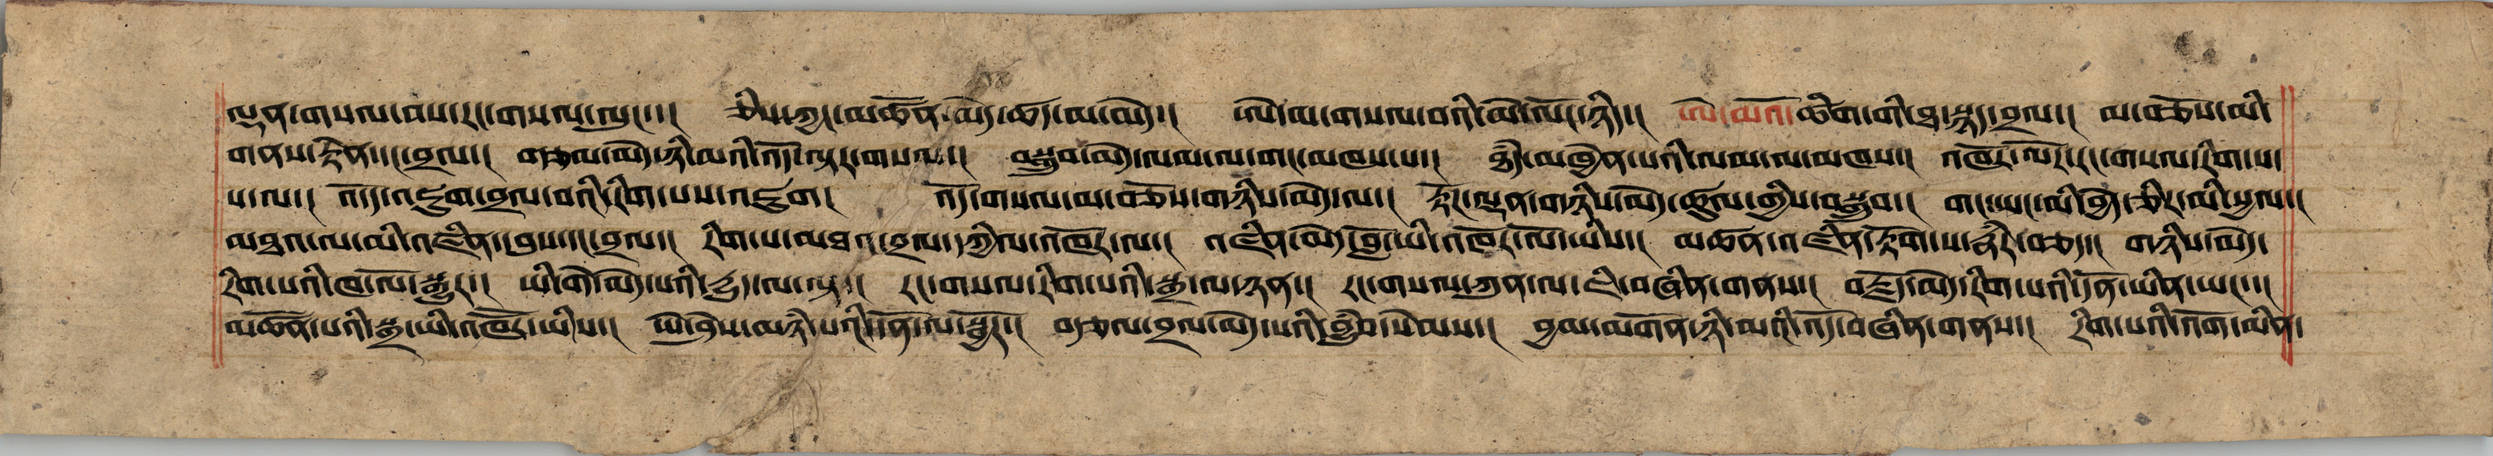ལྡན་གསལ་བས་རང་གསལ་ལུང་་། ཅིས་ཀྱང་མཚོན་མེད་ཚད་མ་མེད་། ཨེ་མ་གསལ་བའི་མེ་ལོང་ཉིད་། ཨེ་མའོ་ཚིག་གི་ཐ་སྙད་བྲལ་། མ་བཅོས་མི་
གནས་རྟེན་དང་བྲལ་། བརྩལ་མེད་ཉི་མའི་འོད་ལྟར་གསལ་། བསྒྲུབ་མེད་ལམ་ལ་གང་མཁས་པ་། ཐཾད་མཁྱེན་པའི་ལམ་ལ་མཁས་། འཁོར་ལོར་རང་གསལ་རིག་པ་
པ་ལ་། འདོད་འཇུག་བྲལ་བའི་རིག་པས་འཇུག་། འདོ་གསལ་མ་བཅོས་གཉིས་མེད་ལ་། རྟོག་ལྡན་གཉིས་མེད་ཚུལ་གྱིས་བསྒྲུབ་། གང་ཡང་མི་བྱེད་ཅིར་མི་སྱལ་།
མཐའ་ལ་མི་འཛིན་དབུས་དང་བྲལ་། རིག་པ་མཐའ་བྲལ་དཀྱིལ་འཁོར་ལ་། འཛིན་མེད་བློ་ཡི་འཁོར་ལོ་ཡིས་། མཚན་འཛིན་རྟོག་པ་རྣཾར་བཅད་། གཉིས་མེད་
རིག་པའི་ཁ་ལོ་སྒྱུར་། ཡི་གེ་མེད་པའི་དྱུད་ལ་ལྟ་། རང་གསལ་རིག་པའི་སྒྲ་ལ་ཉན་། རང་གསལ་ཀུན་ལ་ཇི་བཞིན་གནས་། བརྗོད་མེད་རིག་པའི་དོན་ཡིན་ཡང་་།
མཚོན་པའི་སྒྲ་ཡི་འཁཽར་ཡིས་། ཡེ་ཤེས་མཉཾ་པའི་དོན་ལ་སྦྱོར་། བརྩལ་བྲལ་མེད་པའི་བྱུཾབ་སེམས་། བྱམ་མགོན་ཉི་མའི་འོད་བཞིན་གནས་། རིག་པའི་འོག་མིན་